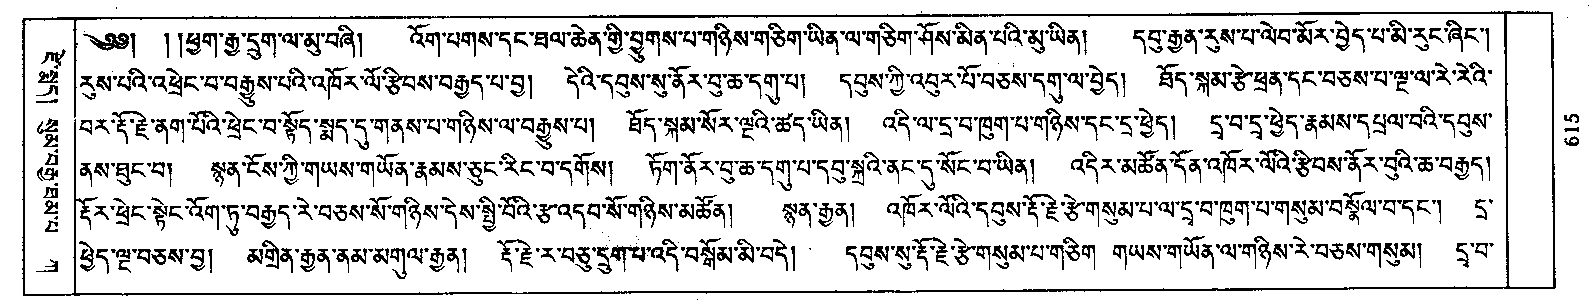༄༅། །།ཕྱག་རྒྱ་དྲུག་ལ་མུ་བཞི། འོག་པགས་དང་ཐལ་ཆེན་གྱི་བྱུགས་པ་གཉིས་གཅིག་ཡིན་ལ་གཅིག་ཤོས་མིན་པའི་མུ་ཡིན། དབུ་རྒྱན་རུས་པ་ལེབ་མོར་བྱེད་པ་མི་རུང་ཞིང་།
རུས་པའི་འཕྲེང་བ་བརྒྱུས་པའི་འཁོར་ལོ་རྩིབས་བརྒྱད་པ་བྱ། དེའི་དབུས་སུ་ནོར་བུ་ཆ་དགུ་པ། དབུས་ཀྱི་འབུར་པོ་བཅས་དགུ་ལ་བྱེད། ཐོད་སྐམ་རྩེ་ཕྲན་དང་བཅས་པ་ལྔ་ལ་རེ་རེའི་
བར་རྡོ་རྗེ་ནག་པོའི་ཕྲེང་བ་སྟོད་སྨད་དུ་གནས་པ་གཉིས་ལ་བརྒྱུས་པ། ཐོད་སྐམ་སོར་ལྔའི་ཚད་ཡིན། འདི་ལ་དྲ་བ་ཁུག་པ་གཉིས་དང་དྲ་ཕྱེད། དྲྭ་བ་དྲྭ་ཕྱེད་རྣམས་དཔྲལ་བའི་དབུས་
ནས་ཐུང་བ། སྙན་ངོས་ཀྱི་གཡས་གཡོན་རྣམས་ཅུང་རིང་བ་དགོས། ཏོག་ནོར་བུ་ཆ་དགུ་པ་དབུ་སྐྲའི་ནང་དུ་སོང་བ་ཡིན། འདིར་མཚོན་དོན་འཁོར་ལོའི་རྩིབས་ནོར་བུའི་ཆ་བརྒྱད།
རྡོར་ཕྲེང་སྟེང་འོག་ཏུ་བརྒྱད་རེ་བཅས་སོ་གཉིས་དེས་སྤྱི་བོའི་རྩ་འདབ་སོ་གཉིས་མཚོན། སྙན་རྒྱན། འཁོར་ལོའི་དབུས་རྡོ་རྗེ་རྩེ་གསུམ་པ་ལ་དྲྭ་བ་ཁུག་པ་གསུམ་བསྣོལ་བ་དང་། དྲ་
ཕྱེད་ལྔ་བཅས་བྱ། མགྲིན་རྒྱན་ནམ་མགུལ་རྒྱན། རྡོ་རྗེ་ར་བཅུ་དྲུག་པ་འདི་བསྒོམ་མི་བདེ། དབུས་སུ་རྡོ་རྗེ་རྩེ་གསུམ་པ་གཅིག་གཡས་གཡོན་ལ་གཉིས་རེ་བཅས་གསུམ། དྲྭ་བ་